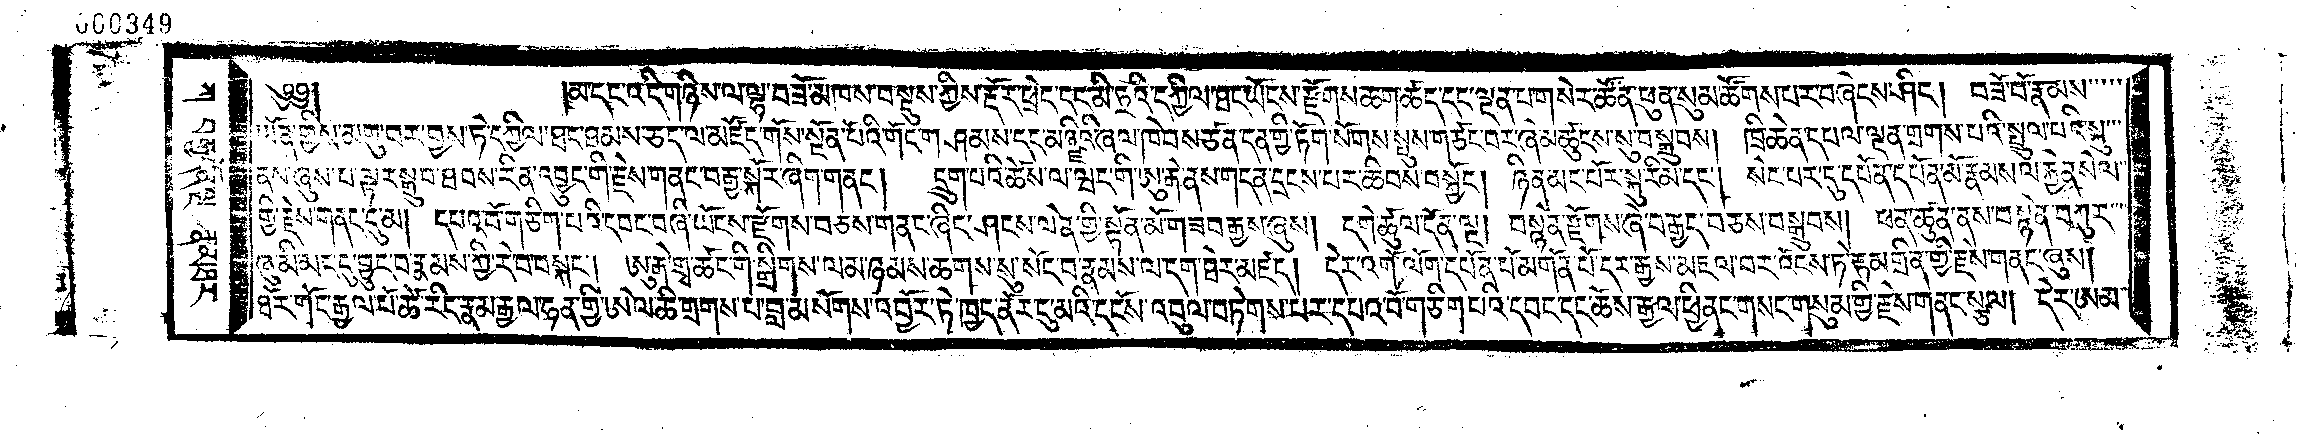༄༅། །མ་དང་འདི་གཉིས་ལ་ལྷ་བཟོ་མཁས་བསྡུས་ཀྱིས་རྡོར་ཕྲེང་དང་མི་ཏྲའི་དཀྱིལ་ཐང་ཡོངས་རྫོགས་ཆག་ཚད་དང་ལྡན་བ་གསེར་ཚོན་ཕུན་སུམ་ཚོགས་པར་བཞེངས་ཤིང་། བཟོ་བོ་རྣམས་
ཡོན་གྱིས་མགུ་བར་བྱས་ཏེ་དཀྱིལ་ཐད་ཐམས་ཅད་ལ་མཛོད་གོས་སྔོན་པོའི་གོང་གཤམས་དང་མཉྫིའི་ཞལ་ཁེབས་ཙན་དན་གྱི་ཏོག་སོགས་སྤུས་གཙང་བར་ཞེ་མཚུངས་སུ་བསྒྲུབས། ཁྲི་ཆེན་དཔལ་ལྡན་གྲགས་པའི་སྤྲུལ་བའི་སྐུ་
ནས་ཞུས་པ་ལྟར་སྒྲུབ་ཐབས་རིན་འབྱུང་གི་རྗེས་གནང་བརྒྱ་སྐོར་ཞིག་གནང་། དྲུག་པའི་ཚེས་ལ་ཝང་གི་ཨུརྒེ་ནས་གདན་དྲངས་པར་ཆིབས་བསྐྱོད། ཉིན་མང་པོར་སྐུ་རིམ་དང་། སེང་བར་དུ་དཔོན་དཔོན་མོ་རྣམས་ལ་རྐྱེན་སེལ་
གྱི་རྗེས་གནང་དུ་མ། དཔའ་བོ་གཅིག་པའི་དབང་བཞི་ཡོངས་རྫོགས་བཅས་གནང་ཞིང་ཤངས་ལེན་གྱི་སྟོན་མོ་གཟབ་རྒྱས་ཞུས། དགེ་ཚུལ་དོན་ལྔ། བསྙེན་རྫོགས་ཞེ་བརྒྱད་བཅས་བསྒྲུབས། ཕན་ཚུན་ནས་བསྙེན་བཀུར་
ཞུ་མི་མང་དུ་བྱུང་བ་རྣམས་ཀྱི་རེ་བ་བསྐང་། ཨུརྒེ་གྲྭ་ཚང་གི་སྒྲིགས་ལམ་ཉམས་ཆགས་སུ་སོང་བ་རྣམས་ལ་དག་ཐེར་མཛད། དེར་འགོ་ལོག་དཔོན་པོ་མགོན་པོ་དར་རྒྱས་མཇལ་བར་འོངས་ཏེ་རྟ་མགྲིན་གྱི་རྗེས་གནང་ཞུས།
ཐོར་གོང་རྒྱལ་པོ་ཚེ་རིང་རྣམ་རྒྱལ་ཧན་གྱི་ཨེལ་ཆི་གྲགས་པ་བླ་མ་སོགས་འབྱོར་ཏེ་ཁྱད་ནོར་དུ་མའི་དངོས་འབུལ་བཏེགས་པར་དཔའ་བོ་གཅིག་པའི་དབང་དང་ཆོས་རྒྱལ་ཕྱི་ནང་གསང་གསུམ་གྱི་རྗེས་གནང་སྩལ། དེར་ཨམ་